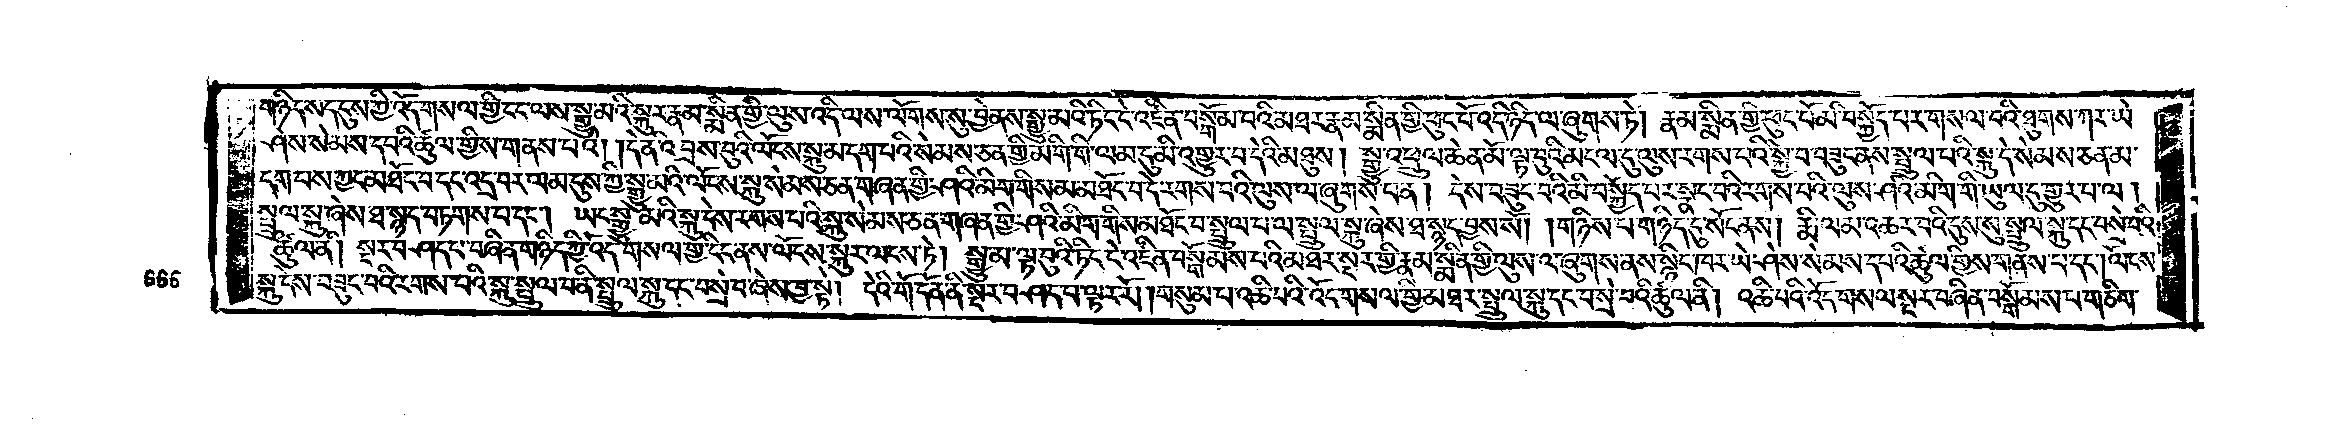གཉིད་སད་དུས་ཀྱི་འོད་གསལ་གྱི་ངང་ལས་སྒྱུ་མའི་སྐུར་རྣམ་སྨིན་གྱི་ལུས་འདི་ལས་ལོགས་སུ་བྱེ་ནས་སྒྱུ་མའི་ཏིང་ངེ་འཛིན་བསྒོམ་པའི་མཐར་རྣམ་སྨིན་གྱི་ཕུང་པོ་འདི་ཉིད་ལ་ཞུགས་ཏེ། རྣམ་སྨིན་གྱི་ཕུང་པོ་མི་བསྐྱོད་པར་གསལ་བའི་ཐུགས་ཀར་ཡེ་
ཤེས་སེམས་དཔའི་ཚུལ་གྱིས་གནས་པའོ། །དེ་ནི་འབྲས་བུའི་ལོངས་སྐུ་མ་དག་པའི་སེམས་ཅན་གྱི་མིག་གི་ལམ་དུ་མི་འགྱུར་བ་དེའི་མཐུས། སྒྱུ་འཕྲུལ་ཆེན་མོ་ལྟ་བུའི་མངལ་དུ་ལུས་རགས་པའི་སྐྱེ་བ་བཟུང་ནས་སྤྲུལ་པའི་སྐུ་དེ་སེམས་ཅན་མ་
དག་པས་ཀྱང་མཐོང་བ་དང་འདྲ་བར་ལམ་དུས་ཀྱི་སྒྱུ་མའི་ལོངས་སྐུ་སེམས་ཅན་གཞན་གྱི་ཤའི་མིག་གིས་མ་མཐོང་བ་དེ་རགས་པའི་ལུས་ལ་ཞུགས་པ་ན། དེས་བཟུང་བའི་མི་བསྐྱོད་པར་སྣང་བའི་རགས་པའི་ལུས་ཤའི་མིག་གི་ཡུལ་དུ་གྱུར་པ་ལ།
སྤྲུལ་སྐུ་ཞེས་ཐ་སྙད་བཏགས་པ་དང་། ཡང་སྒྱུ་མའི་སྐུ་དེས་རགས་པའི་སྐུ་སེམས་ཅན་གཞན་གྱི་ཤའི་མིག་གིས་མཐོང་བ་སྤྲུལ་པ་ལ་སྤྲུལ་སྐུ་ཞེས་ཐ་སྙད་བྱས་སོ། །གཉིས་པ་གཉིད་དུ་སོང་ནས། རྨི་ལམ་འཆར་བའི་དུས་སུ་སྤྲུལ་སྐུ་དང་བསྲེ་བའི་
ཚུལ་ནི། སྔར་བཤད་པ་བཞིན་གཉིད་ཀྱི་འོད་གསལ་གྱི་ངང་ནས་ལོངས་སྐུར་ལངས་ཏེ། སྒྱུ་མ་ལྟ་བུའི་ཏིང་ངེ་འཛིན་བསྒོམས་པའི་མཐར་སྔར་གྱི་རྣམ་སྨིན་གྱི་ལུས་ལ་ཞུགས་ནས་སྙིང་ཁར་ཡེ་ཤེས་སེམས་དཔའི་ཚུལ་གྱིས་གནས་པ་དང་། ལོངས་
སྐུ་དེས་བཟུང་བའི་རགས་པའི་སྐུ་སྤྲུལ་པ་ནི་སྤྲུལ་སྐུ་དང་བསྲེ་བ་ཞེས་བྱ་སྟེ། དེའི་གོ་དོན་ནི་སྔར་བཤད་པ་ལྟར་རོ། །གསུམ་པ་འཆི་བའི་འོད་གསལ་གྱི་མཐར་སྤྲུལ་སྐུ་དང་བསྲེ་བའི་ཚུལ་ནི། འཆི་བའི་འོད་གསལ་སྔར་བཞིན་བསྒོམས་པ་གཅིག་